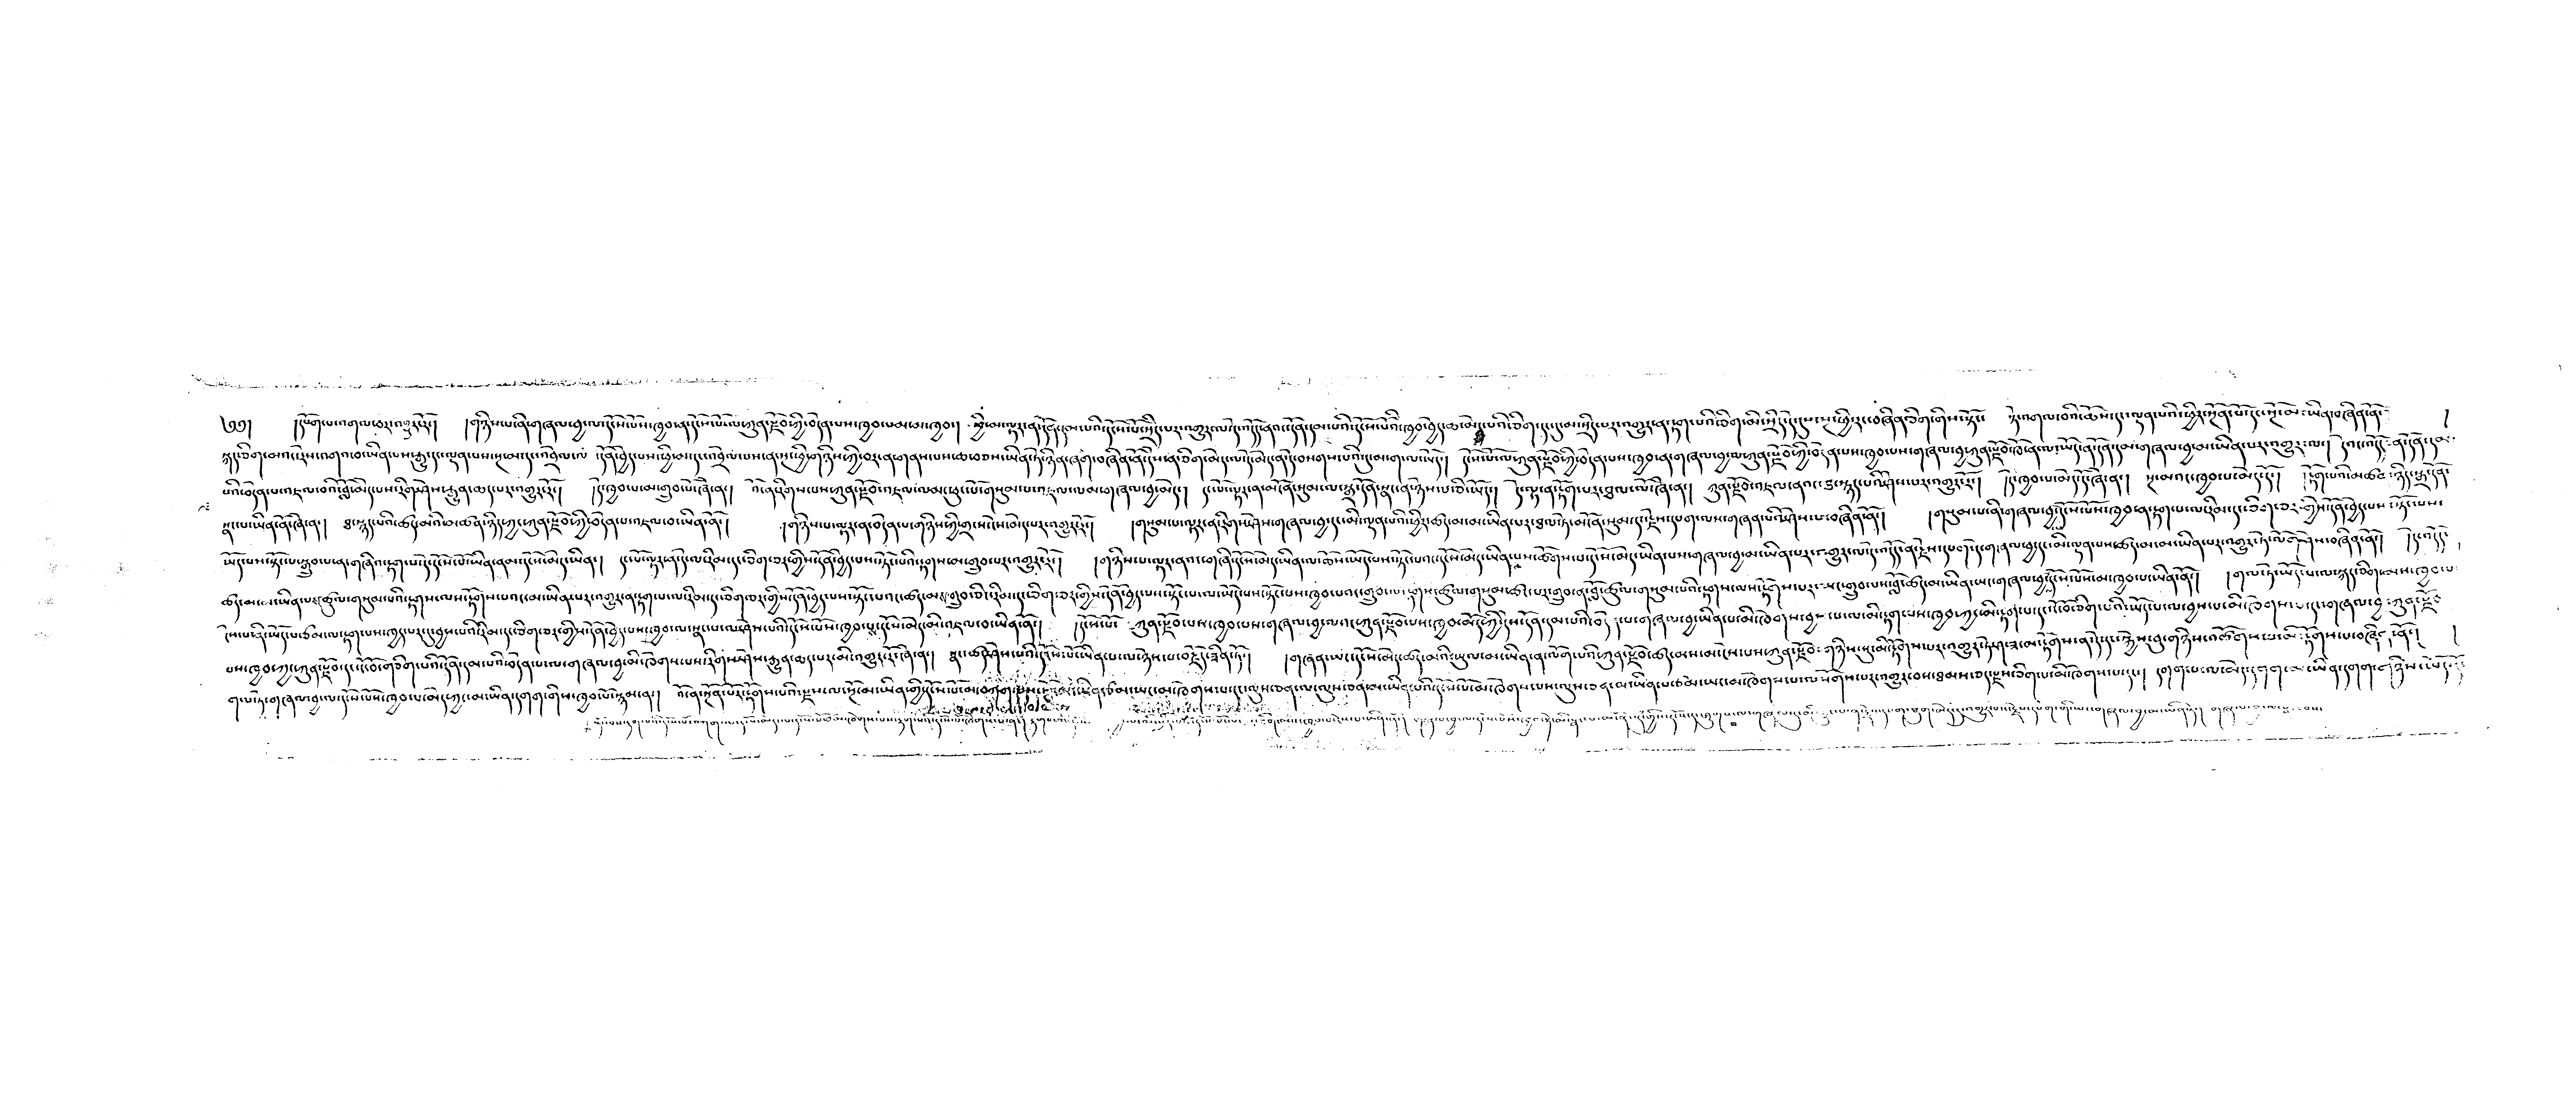༄༅། །དཔོག་པ་འགལ་བར་འགྱུར་རོ། །གཉིས་པ་ནི་གཞལ་བྱ་ལ་དངོས་པོས་ཁྱབ་ན་དངོས་པོ་ལ་ཀུན་རྫོབ་ཀྱི་བདེན་པས་ཁྱབ་པམ་མ་ཁྱབ། ཕྱི་མ་ལྟར་ན་དོན་དམ་པའི་དངོས་པོ་སྲིད་པར་འགྱུར་ལ་དེ་འདོད་ནའང་དོན་དམ་པའི་དངོས་པོའི་ཁྱབ་བྱེད་ཆ་མེད་པའི་ཅིག་དང་དུ་མ་སྲིད་པར་འགྱུར་ན་རྟག་པའི་ཅིག་མི་སྲིད་དེ་དུས་སྔ་ཕྱི་རང་བཞིན་ཅིག་གིས་སྟོང་སྟེ་འགལ་བའི་ཆོས་དང་ལྡན་པའི་ཕྱིར་སྔོན་པོ་དང་སྔོ་མོ་ཡིན་བཞིན་ནོ། །
སྐད་ཅིག་མའང་རེས་འགའ་བ་ཡིན་པས་རྒྱུ་དང་ལྡན་པས་སྔ་མ་དང་འབྲེལ་ལ་དོན་བྱེད་པས་ཕྱི་མ་དང་འབྲེལ་པས་ན་སྔ་ཕྱི་གཉིས་ཀྱི་བར་ན་གནས་པས་ཆ་བཅས་ཡིན་ཏེ་ཉིན་ཞག་བཞིན་ནོ་དེས་ན་ཅིག་མེད་ལ་དེ་མེད་ན་དེ་བསགས་པའི་དུ་མ་ག་ལ་ཡོད་དོ། དངོས་པོ་ལོ་ཀུན་རྫོབ་ཀྱི་བདེན་པས་ཁྱབ་ན་གཞལ་བྱ་མ་ཀུན་རྫོབ་ཀྱི་བདེན་པས་ཁྱབ་པས་གཞལ་བྱ་ཀུན་རྫོབ་ཁོ་ན་ལ་ཡོད་ན་དོན་དམ་གཞལ་བྱ་མ་ཡིན་པར་འགྱུར་ལ། དེའང་འདོད་ན་དོན་དམ་
པའི་བདེན་པ་འཇལ་བའི་བློ་མེད་པས་རིག་ཤེས་རྒྱུན་ཆད་པར་འགྱུར་རོ། །དེ་ཁྱབ་པ་མ་གྲུབ་པོ་ཞེ་ན། འོ་ན་རིགས་པས་ཀུན་རྫོབ་འཇམ་ལམ་ཕུང་པོ་གསུམ་པ་འཇལ་ལམ་གཞལ་བྱ་མེད། དང་པོ་ལྟར་ན་མངོན་སུམ་ལ་སྒྲ་དོན་སྣང་ན་ཉེས་པ་ཅི་ཡོད། དེ་ལྟ་ན་རྟོག་པར་ཐལ་ལོ་ཞེ་ན། ཀུན་རྫོབ་འཇལ་ནའང་ཐ་སྙད་པའི་ཤེས་པར་འགྱུར་རོ། །དེ་ཁྱབ་པ་མེད་དོ་ཞེ་ན། སྔ་མའང་ཁྱབ་པ་མེད་དོ། །རྟོག་པའི་མཚན་ཉིད་སྒྲ་དོན་
སྣང་པ་ཡིན་ནོ་ཞེ་ན། ཐ་སྙད་པའི་ཚད་མའི་མཚན་ཉིད་ཀྱང་ཀུན་རྫོབ་ཀྱི་བདེན་པ་འཇལ་བ་ཡིན་ནོ། །གཉིས་པ་ལྟར་ན་བདེན་པ་གཉིས་ཀྱི་གྲངས་ངེས་མེད་པར་འགྱུར་རོ། །གསུམ་པ་ལྟར་ན་རིགས་ཤེས་གཞལ་བྱ་དང་མི་ལྡན་པའི་ཕྱིར་ཚད་མ་མ་ཡིན་པར་ཐལ་ཏེ་མངོན་སུམ་དང་རྗེས་དཔག་ལས་གཞན་པའི་ཤེས་པ་བཞིན་ནོ། །གསུམ་པ་ནི་གཞལ་བྱ་དངོས་པོས་ཁྱབ་ན་རྟག་པ་ལ་རིམ་དང་ཅིག་ཅར་གྱི་དོན་བྱེད་པས་སྟོང་པས་
ཡོད་པས་སྟོང་པ་སྒྲུབ་པ་ན་གཞིའང་རྟག་པ་དེ་དངོས་པོ་ཡིན་ནམ་དངོས་མེད་ཡིན། དང་པོ་ལྟར་ན་དེ་ལ་རིམ་དང་ཅིག་ཅར་གྱིས་དོན་བྱེད་པས་སྟོང་པའི་རྟགས་མ་གྲུབ་པར་འགྱུར་རོ། །གཉིས་པ་ལྟར་ནའང་གཞི་དངོས་མེད་ཡིན་ལ་ཆོས་ཡོད་པས་སྟོང་པའང་དངོས་མེད་ཡིན་པས་ཚོགས་པ་དངོས་མེད་ཡིན་པས་གཞལ་བྱ་མ་ཡིན་པར་འགྱུར་ལ་དེ་འདོད་ན་རྗེས་དཔག་དེ་གཞལ་བྱ་དང་མི་ལྡན་པས་ཚད་མ་མ་ཡིན་པར་འགྱུར་ཏེ་ལོག་ཤེས་བཞིན་ནོ། །དེ་འདོད་
ཚད་མ་མ་ཡིན་པས་ཚུལ་གསུམ་པའི་རྟགས་ལས་རྟོགས་པའང་མ་ཡིན་པར་འགྱུར་ན་རྟག་པ་ལ་རིམ་དང་ཅིག་ཅར་གྱིས་དོན་བྱེད་པས་སྟོང་པའང་ཚད་མས་གྲུབ་ཅིང་རིམ་དང་ཅིག་ཅར་གྱིས་དོན་བྱེད་པས་སྟོང་པ་ལ་ཡོད་པས་སྟོང་པས་ཁྱབ་པའང་གྲུབ་པ་རྟགས་ཚུལ་གསུམ་ཚང་པར་གྲུབ་ན་བློ་ཚུལ་གསུམ་པའི་རྟགས་མས་རྟོགས་པར་ཡང་གྲུབ་པས་བློ་ཚད་མ་ཡིན་ཡང་གཞལ་བྱ་དངོས་པོས་མ་ཁྱབ་པ་ཡིན་ནོ། །གལ་ཏེ་ཡོད་པ་ལ་སྐད་ཅིག་ལས་ཁྱབ་པ་
ངེས་པ་ནི་ཡོད་པ་ཙམ་ལ་རྟག་པས་ཁྱད་པར་དུ་བྱས་པའི་རིམ་དང་ཅིག་ཅར་གྱིས་དོན་བྱེད་པས་ཁྱབ་ལ་སྣང་པ་ལ་ཤེས་པའི་དངོས་པོས་ཁྱབ་པས་དངོས་མེད་མི་འཇལ་བ་ཡིན་ནོ། །དངོས་པོ་ཀུན་རྫོབ་པས་ཁྱབ་པས་གཞལ་བྱ་ལའང་ཀུན་རྫོབ་པས་ཁྱབ་མོད་ཀྱི་དེས་དོན་དམ་པའི་བདེན་པ་གཞལ་བྱ་ཡིན་པ་མི་ཁེགས་བྱས་པ་ལ་མི་རྟག་པས་ཁྱབ་ཀྱང་མི་རྟག་པ་དང་ངོ་བོ་ཅིག་པའི་ཡོད་པ་ལ་བྱས་པ་མི་ཁེགས་པ་དང་གཞལ་བྱ་ཀུན་རྫོབ་
པས་ཁྱབ་ཀྱང་ཀུན་རྫོབ་དང་ངོ་བོ་གཅིག་པའི་དོན་དམ་པའི་བདེན་པ་ལ་གཞལ་བྱ་མི་ཁེགས་པས་རིགས་ཤེས་རྒྱུན་མད་པར་མི་འགྱུར་རོ་ཞེ་ན། སྣང་ཚད་ཤེས་པའི་དངོས་པོ་ཡིན་པ་ལ་ཉེས་པ་བརྗོད་ཟིན་ཏོ། །གཞན་ཡང་དངོས་མེད་ཚད་མའི་ཡུལ་མ་ཡིན་ན་ལོག་པའི་ཀུན་རྫོབ་ཚད་མས་མ་ངེས་པས་ཀུན་རྫོབ་གཉིས་སུ་མི་རྟོགས་པར་འགྱུར་ཏེ་ཤ་ཟ་མ་རྟོགས་ན་དེ་དང་སྐྱེས་བུ་གཉིས་འཚོགས་པ་མི་རྟོགས་པ་བཞིན་ནོ། །
གལ་ཏེ་གཞལ་བྱ་ལ་དངོས་པོས་ཁྱབ་པ་མེད་ཀྱང་མ་ཡིན་དགག་གིས་ཁྱབ་པོ་སྙམ་ན། འོ་ན་སྔོན་པོར་རྟོགས་པའི་རྫས་ལ་སྔོ་མ་ཡིན་གྱི་དངོས་པོ་མ་བཀག་པས་སྔོ་མ་ཡིན་ཙམ་ཡང་མ་ཁེགས་པ་དང་ལུས་ཅན་ལ་ལུས་ཅན་མ་ཡིན་པའི་དངོས་པོ་མ་ཁེགས་པས་ལུས་ཅན་མ་ཡིན་པ་ཙམ་ཡང་མ་ཁེགས་པ་ལ་སོགས་པར་འགྱུར་བས་ཐམས་ཅད་རྫས་ཅིག་པ་མི་ཁེགས་པ་དང་། དགག་པ་ལ་མེད་དགག་མ་ཡིན་དགག་གཉིས་ཡོད་དོ་